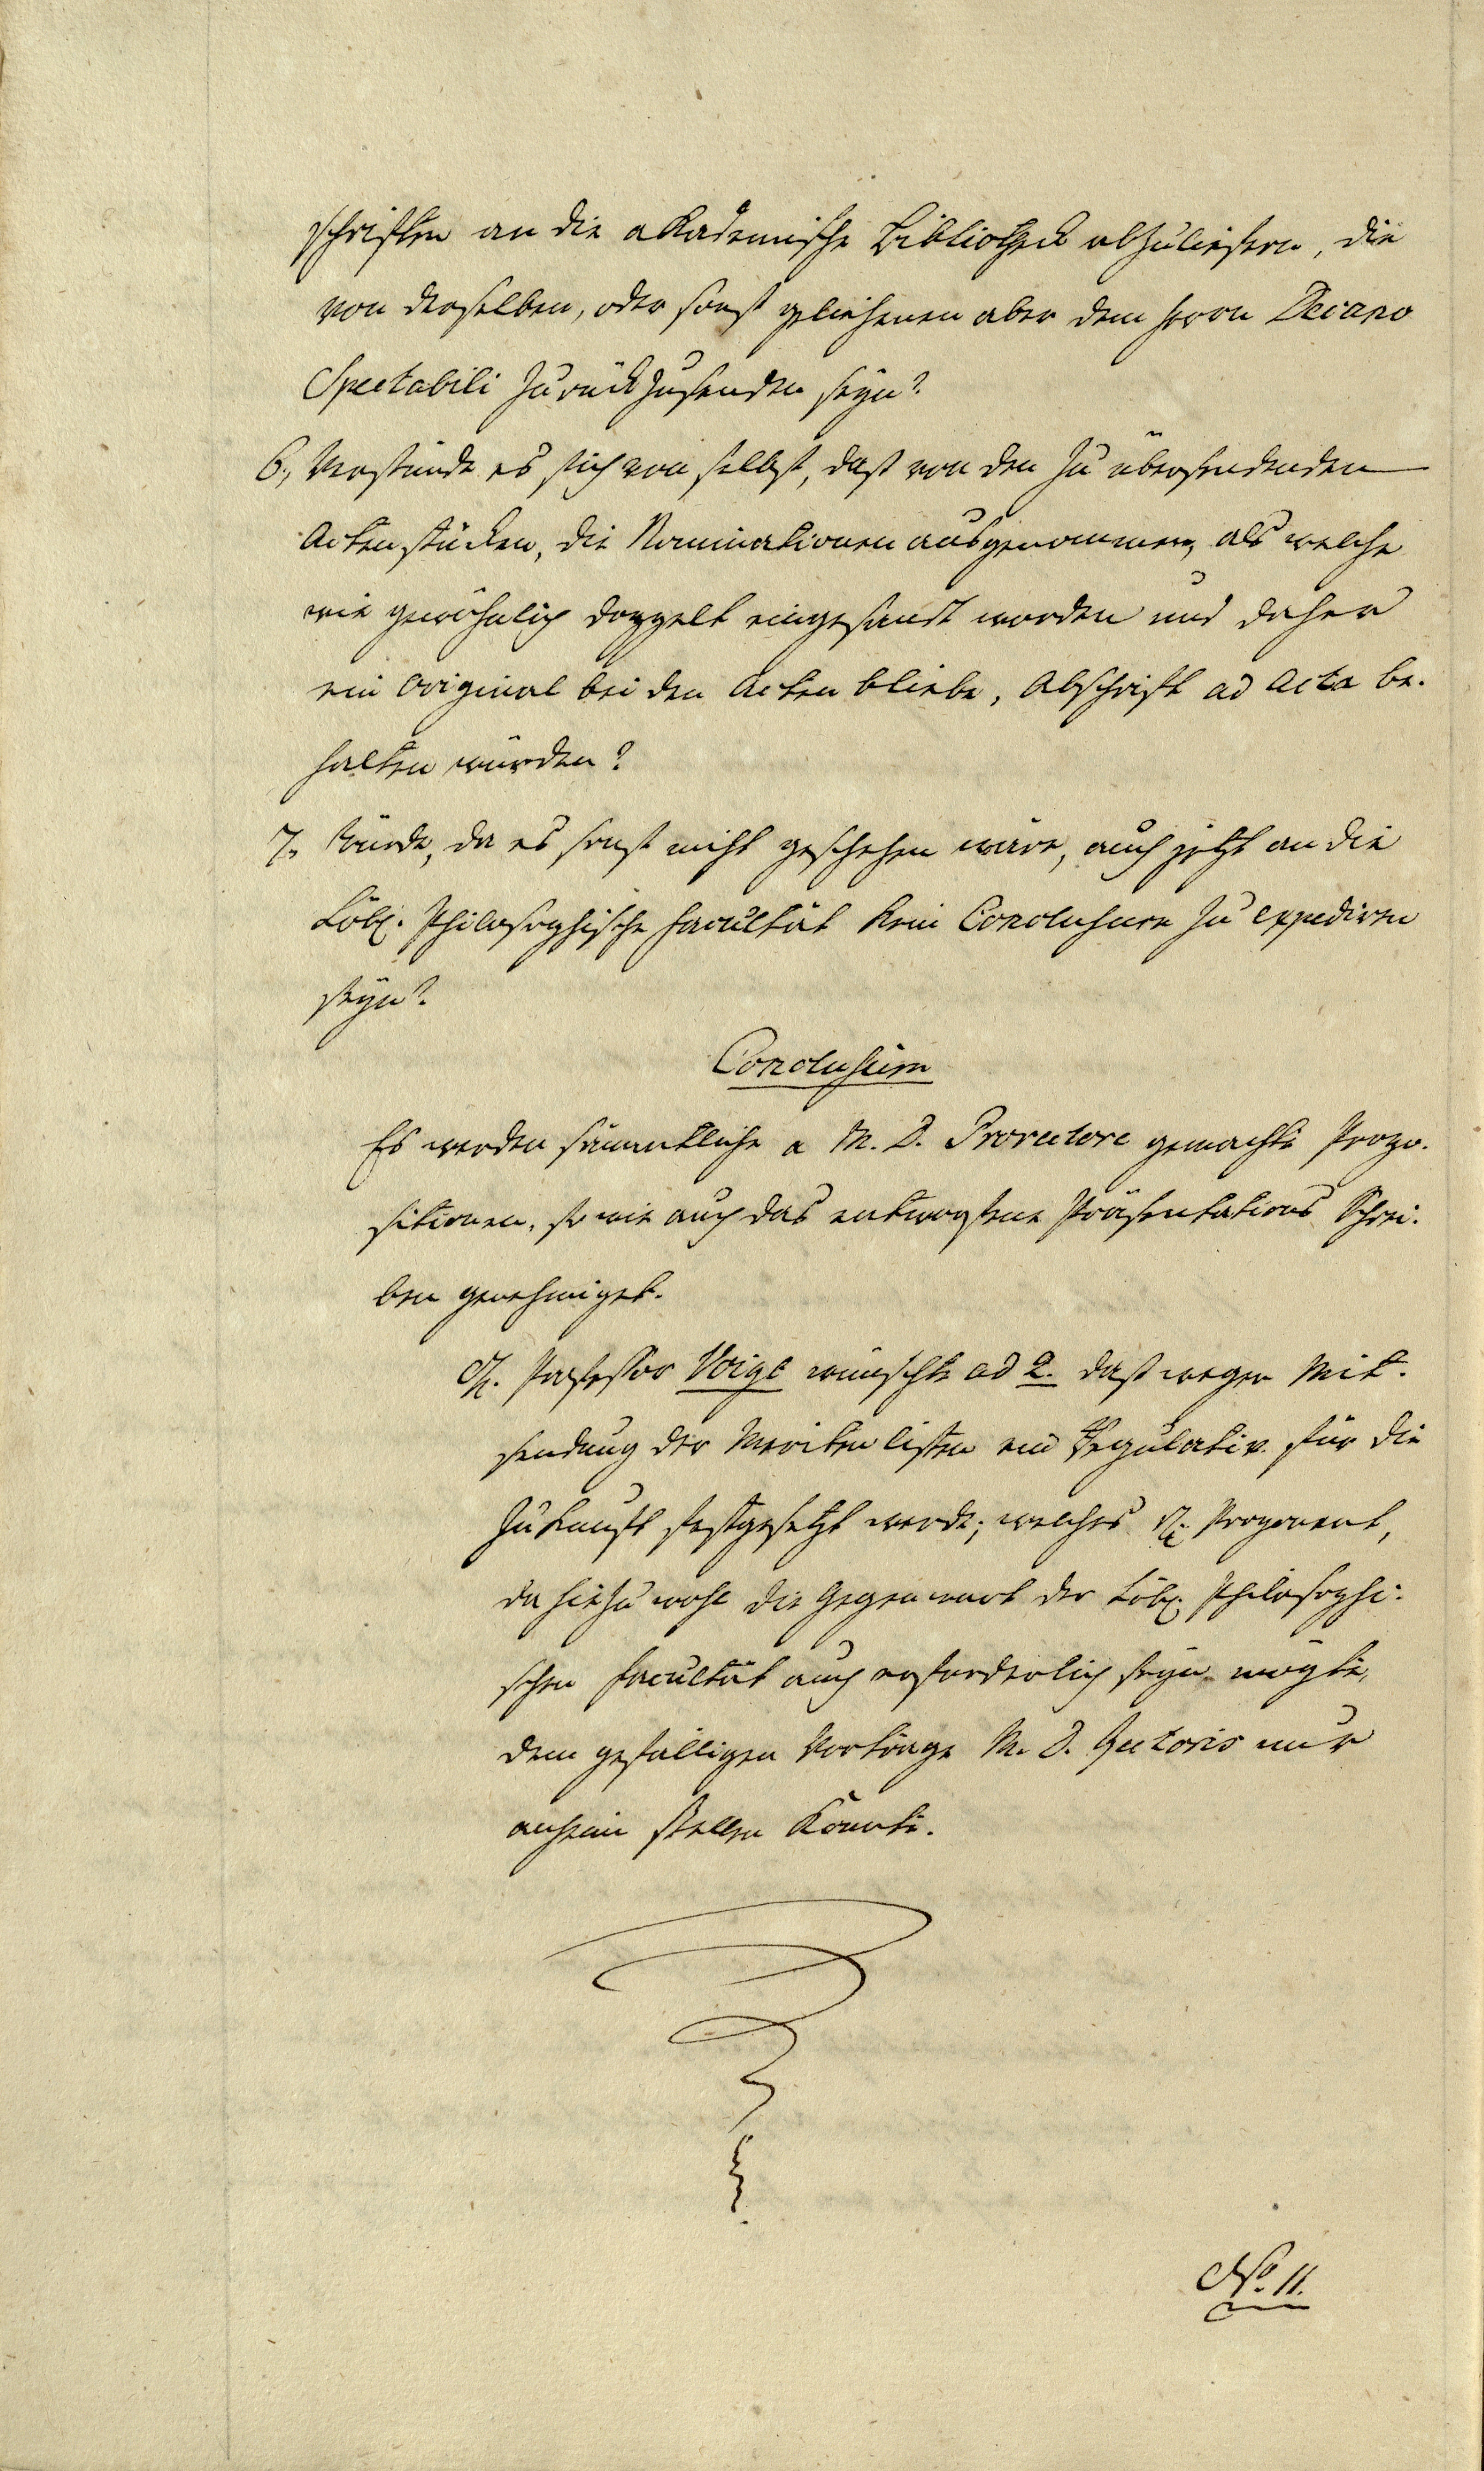schriften an die akademische Bibliotheck abzuliefern, die
von derselben, oder sonst geliehenen aber dem Herrn Decano
Spectabili zurück zusenden seÿn?
6, Verstünde es sich von selbst, daß von den zu übersendenden
Actenstücken, die Nominationen ausgenommen, als welche
wie gewöhnlich doppelt eingesandt worden und daher
ein Original bei den Acten bliebe, Abschrift ad Acta be¬
halten würden?
7. Würde, da es sonst nicht geschehen wäre, auch jetzt an die
Löbl. Philosophische Facultät kein Conclusum zu expediren
seÿn?
Conclusum
Es werden sämmtliche a M. D. Prorectore gemachte Propo¬
sitionen, so wie auch das entworfene Präsentations Schrei¬
ben genehmiget.
dh. Professor Voigt wünschte ad 2. daß wegen Mit¬
sendung der Meritenlisten ein Regulativ für die
Zukunft festgesetzt werde; welches dh. Proponent,
da hiezu wohl die Gegenwart der Löbl. Philosophi¬
schen Facultät auch erforderlich seÿn mögte,
dem gefälligen Vortrage M. D. Rectoris nur
anheim stellen könnte.
No 11.